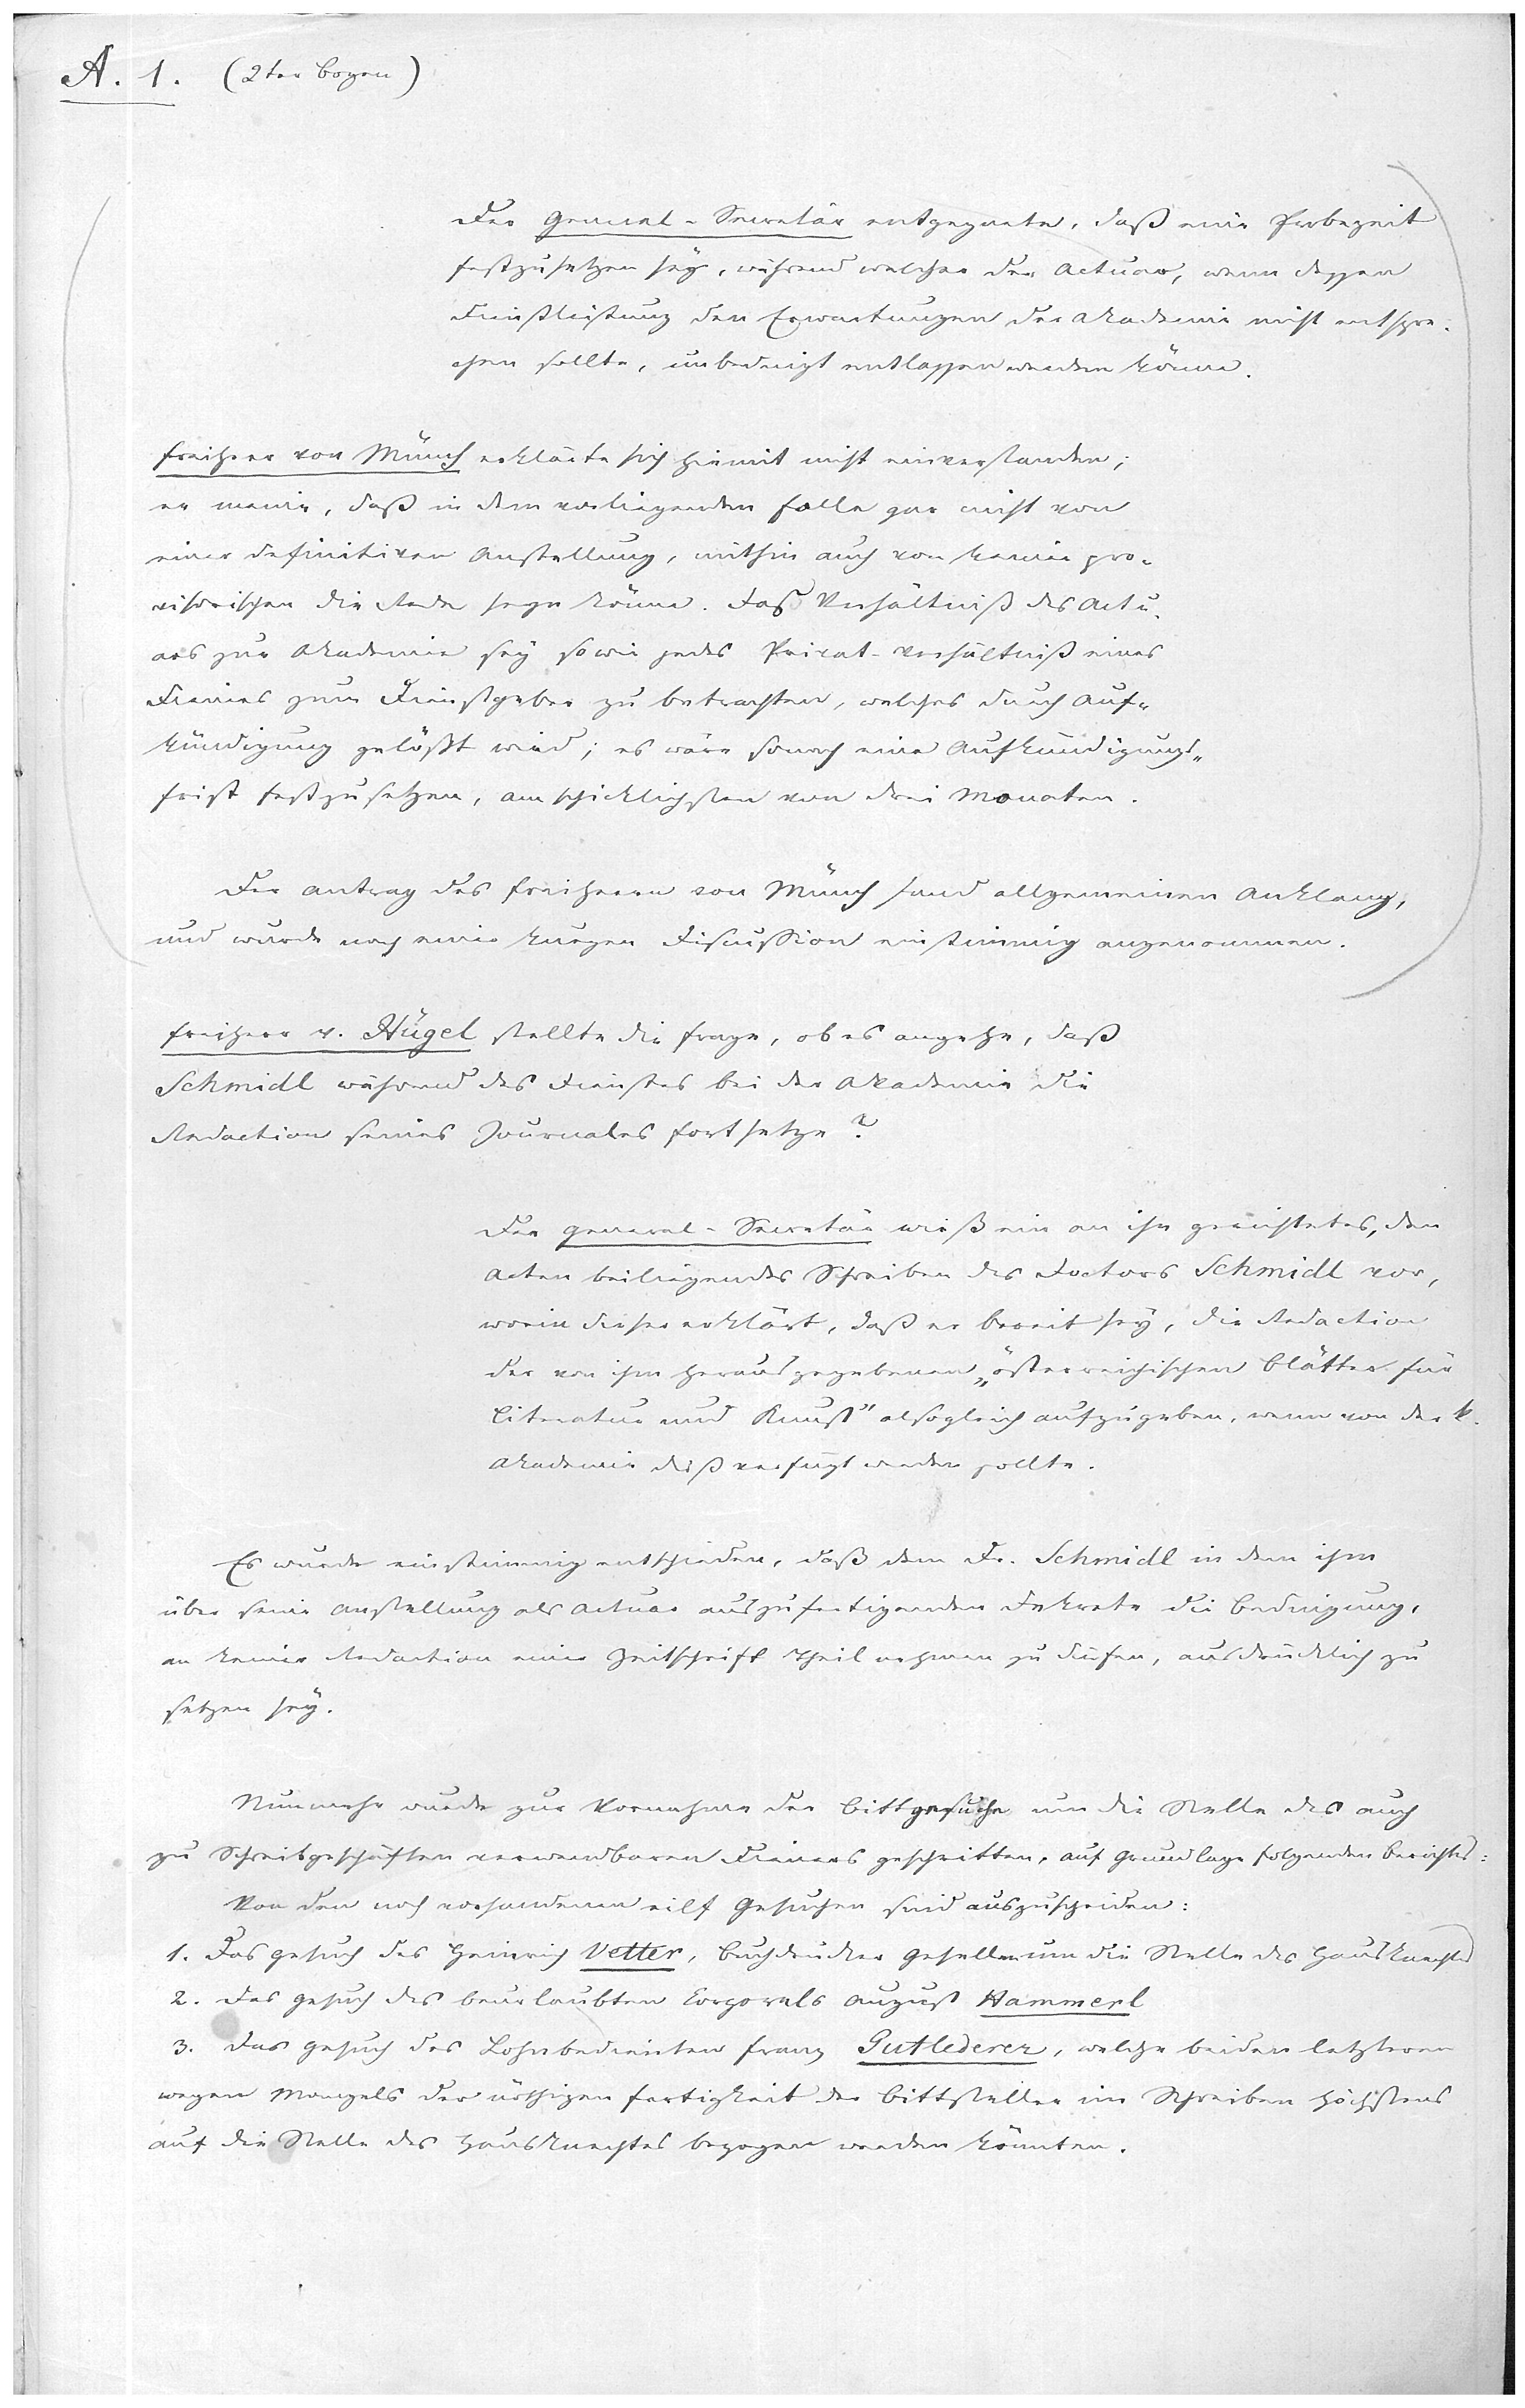A. 1. (2ter Bogen)
Der General-Secretär entgegnete, daß eine Probezeit
festzusetzen sey, während welcher der Actuar, wenn dessen
Dienstleistung den Erwartungen der Akademie nicht entspr-
chen sollte, unbedingt entlassen werden könne.
Freiherr von Münch erklärte sich hiemit nicht einverstanden;
er meinte, daß in etwa vorliegendem Falle gar nicht von
einer definitiven Anstellung, mithin auch von keiner pro-
visorischen die Rede seyn könne. Das Verhältniß des Actu-
ars zur Akademie sey so wie jedes Privat Verhältniß eines
Dieners zum Dienstgeber zu betrachten, welches durch Auf-
kündigung gelöst wird; es äwre sonach eine Aufkündigungs-
frist festzusetzen, am schicklichsten von drei Monaten.
Der Antrag des Freiherrn von Münch fand allgemeinen Anklag,
und wurde nach einer kurzen Discussion einstimmig angenommen.
Freiherr v. Hügel stellte die Frage, ob es angehe, daß
Schmidl während des Dienstes bei der Akademie die
Redaction seines Journals fortsetze?
Der General-Secretär wieß ein an ihn gerichtetes, den
Acten beiliegendes Schreiben des Doctors Schmidl vor,
worin dieser erklärte, daß er bereit sey, die Redaction
der von ihm herausgegebenen "österreichischen Blätter für
Literatur und Kunst" alsogleich aufzugeben, wenn von der k.
Akademie dieß verfügt werden sollte.
Es wurde einstimmig entschieden, daß dem Dr. Schmidl in dem ihm
über seine Anstellung als Actuar auszufertigenden Dekrete die Bedingung,
an keiner Redaction einer Zeitschrift Theil nehmen zu dürfen, ausdrücklich zu
setzen sey.
Nunmehr wurde zur Vornahme der Bittgesuche um die Stelle des auch
zu Schreibgeschäften verwendbaren Dieners geschritten, auf Grundlage folgenden Berichtes:
Von den noch vorhandenen eilf Gesuchen sind auszuscheiden:
1. Das Gesuch des Heinrich Vetter, Buchdrucker Gesellen um die Stelle des Hausknechts.
2. Das Gesuch des beurlaubten Corporals August Hammerl.
3. Das Gesuch des Lohnbedienten Franz Gutlederer, welche bei den letzteren
wegen Mangels der nöthigen Fertigkeit der Bittsteller im Schreiben höchstens
auf die Stelle des Hausknechtes bezogen werden könnten.